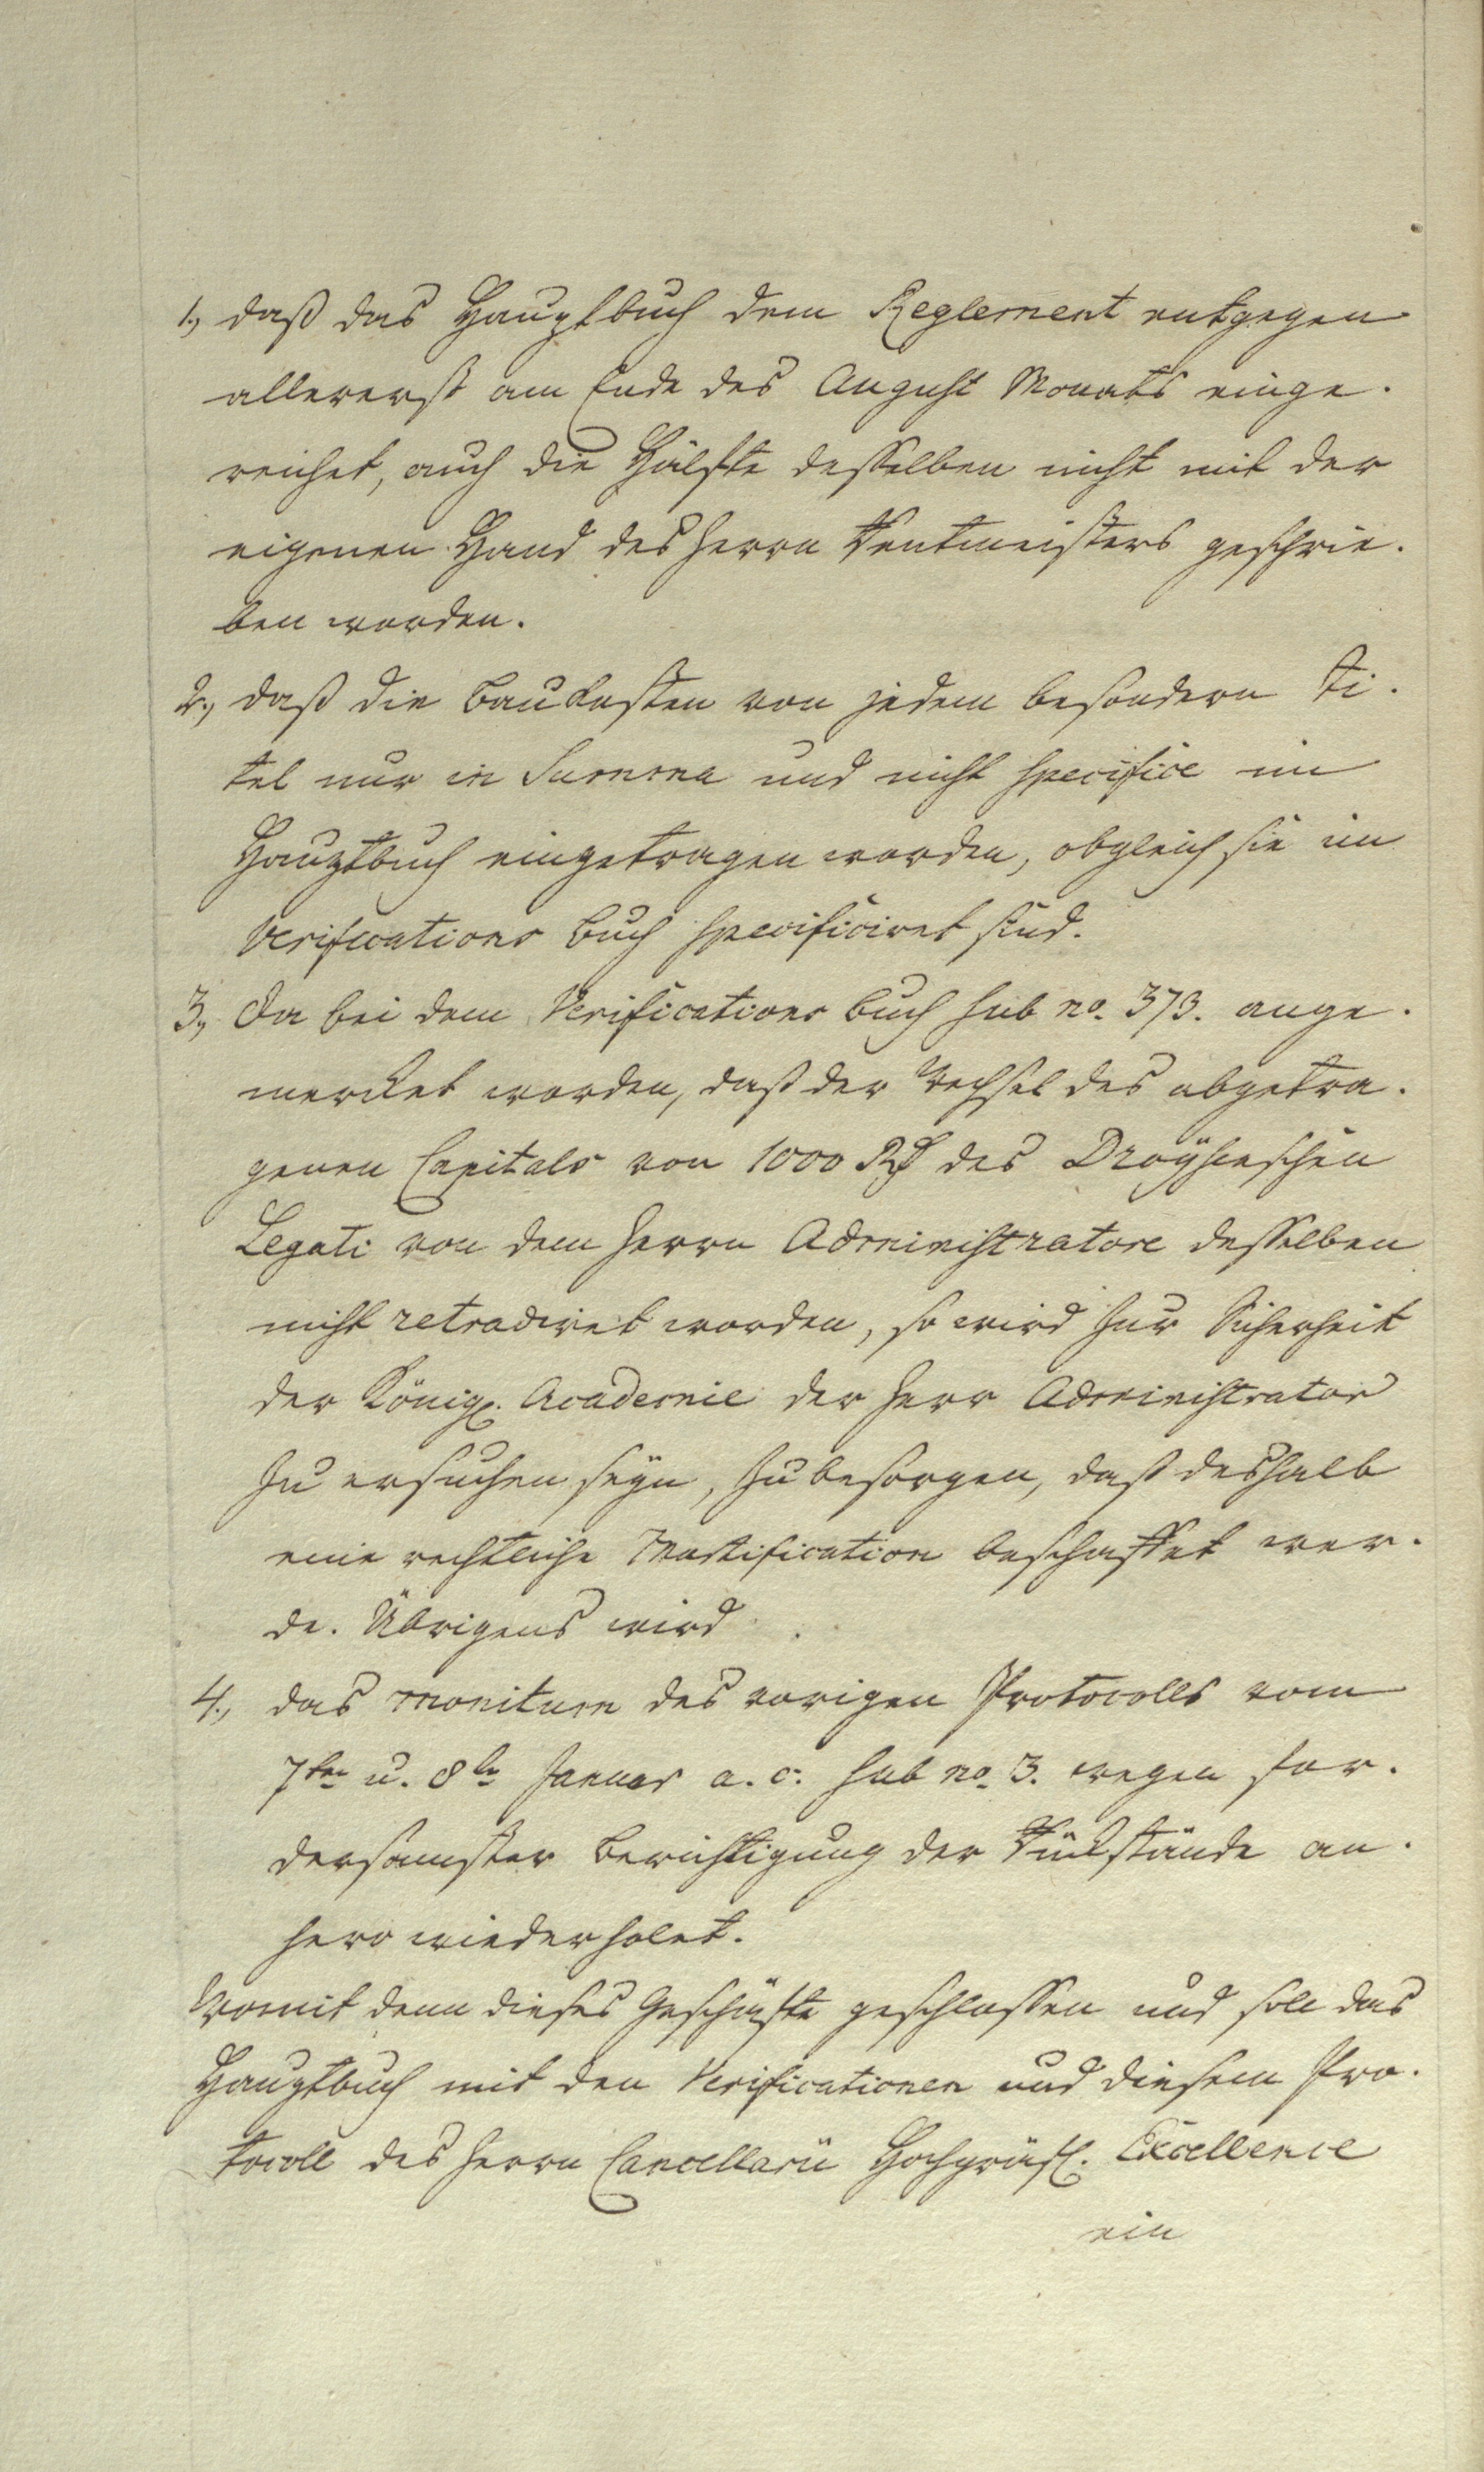1., daß das Hauptbuch dem Reglement entgegen
allererst am Ende des August Monats einge¬
reichet, auch die Hälfte desselben nicht mit der
eigenen Hand des Herrn Rentmeisters geschrie¬
ben worden.
2., daß die Baukosten von jedem besondern Ti¬
tel nur in Summa und nicht specifice im
Hauptbuch eingetragen worden, obgleich sie im
Verifications Buch specificiret sind.
3., Da bei dem Verifications Buch sub No 373. ange¬
mercket worden, daß der Wechsel des abgetra¬
genen Capitals von 1000 Rf des Droÿsenschen
Legati von dem Herrn Administratore desselben
nicht retradiret worden, so wird zur Sicherheit
der Königl. Academie der Herr Administrator
zu ersuchen seÿn, zu besorgen, daß deshalb
eine rechtliche Martification beschaffet wer¬
de. Übrigens wird
4., das monitum des vorigen Protocolls vom
7 ten u. 8 ten Januar a. c. sub No 3. wegen for¬
dersamster Berichtigung der Rückstände an¬
hero wiederholet.
Womit denn dieses Geschäfte geschlossen und soll das
Hauptbuch mit den Verificationen und diesem Pro¬
tocoll des Herrn Cancellarii Hochgräfl. Excellence
ein